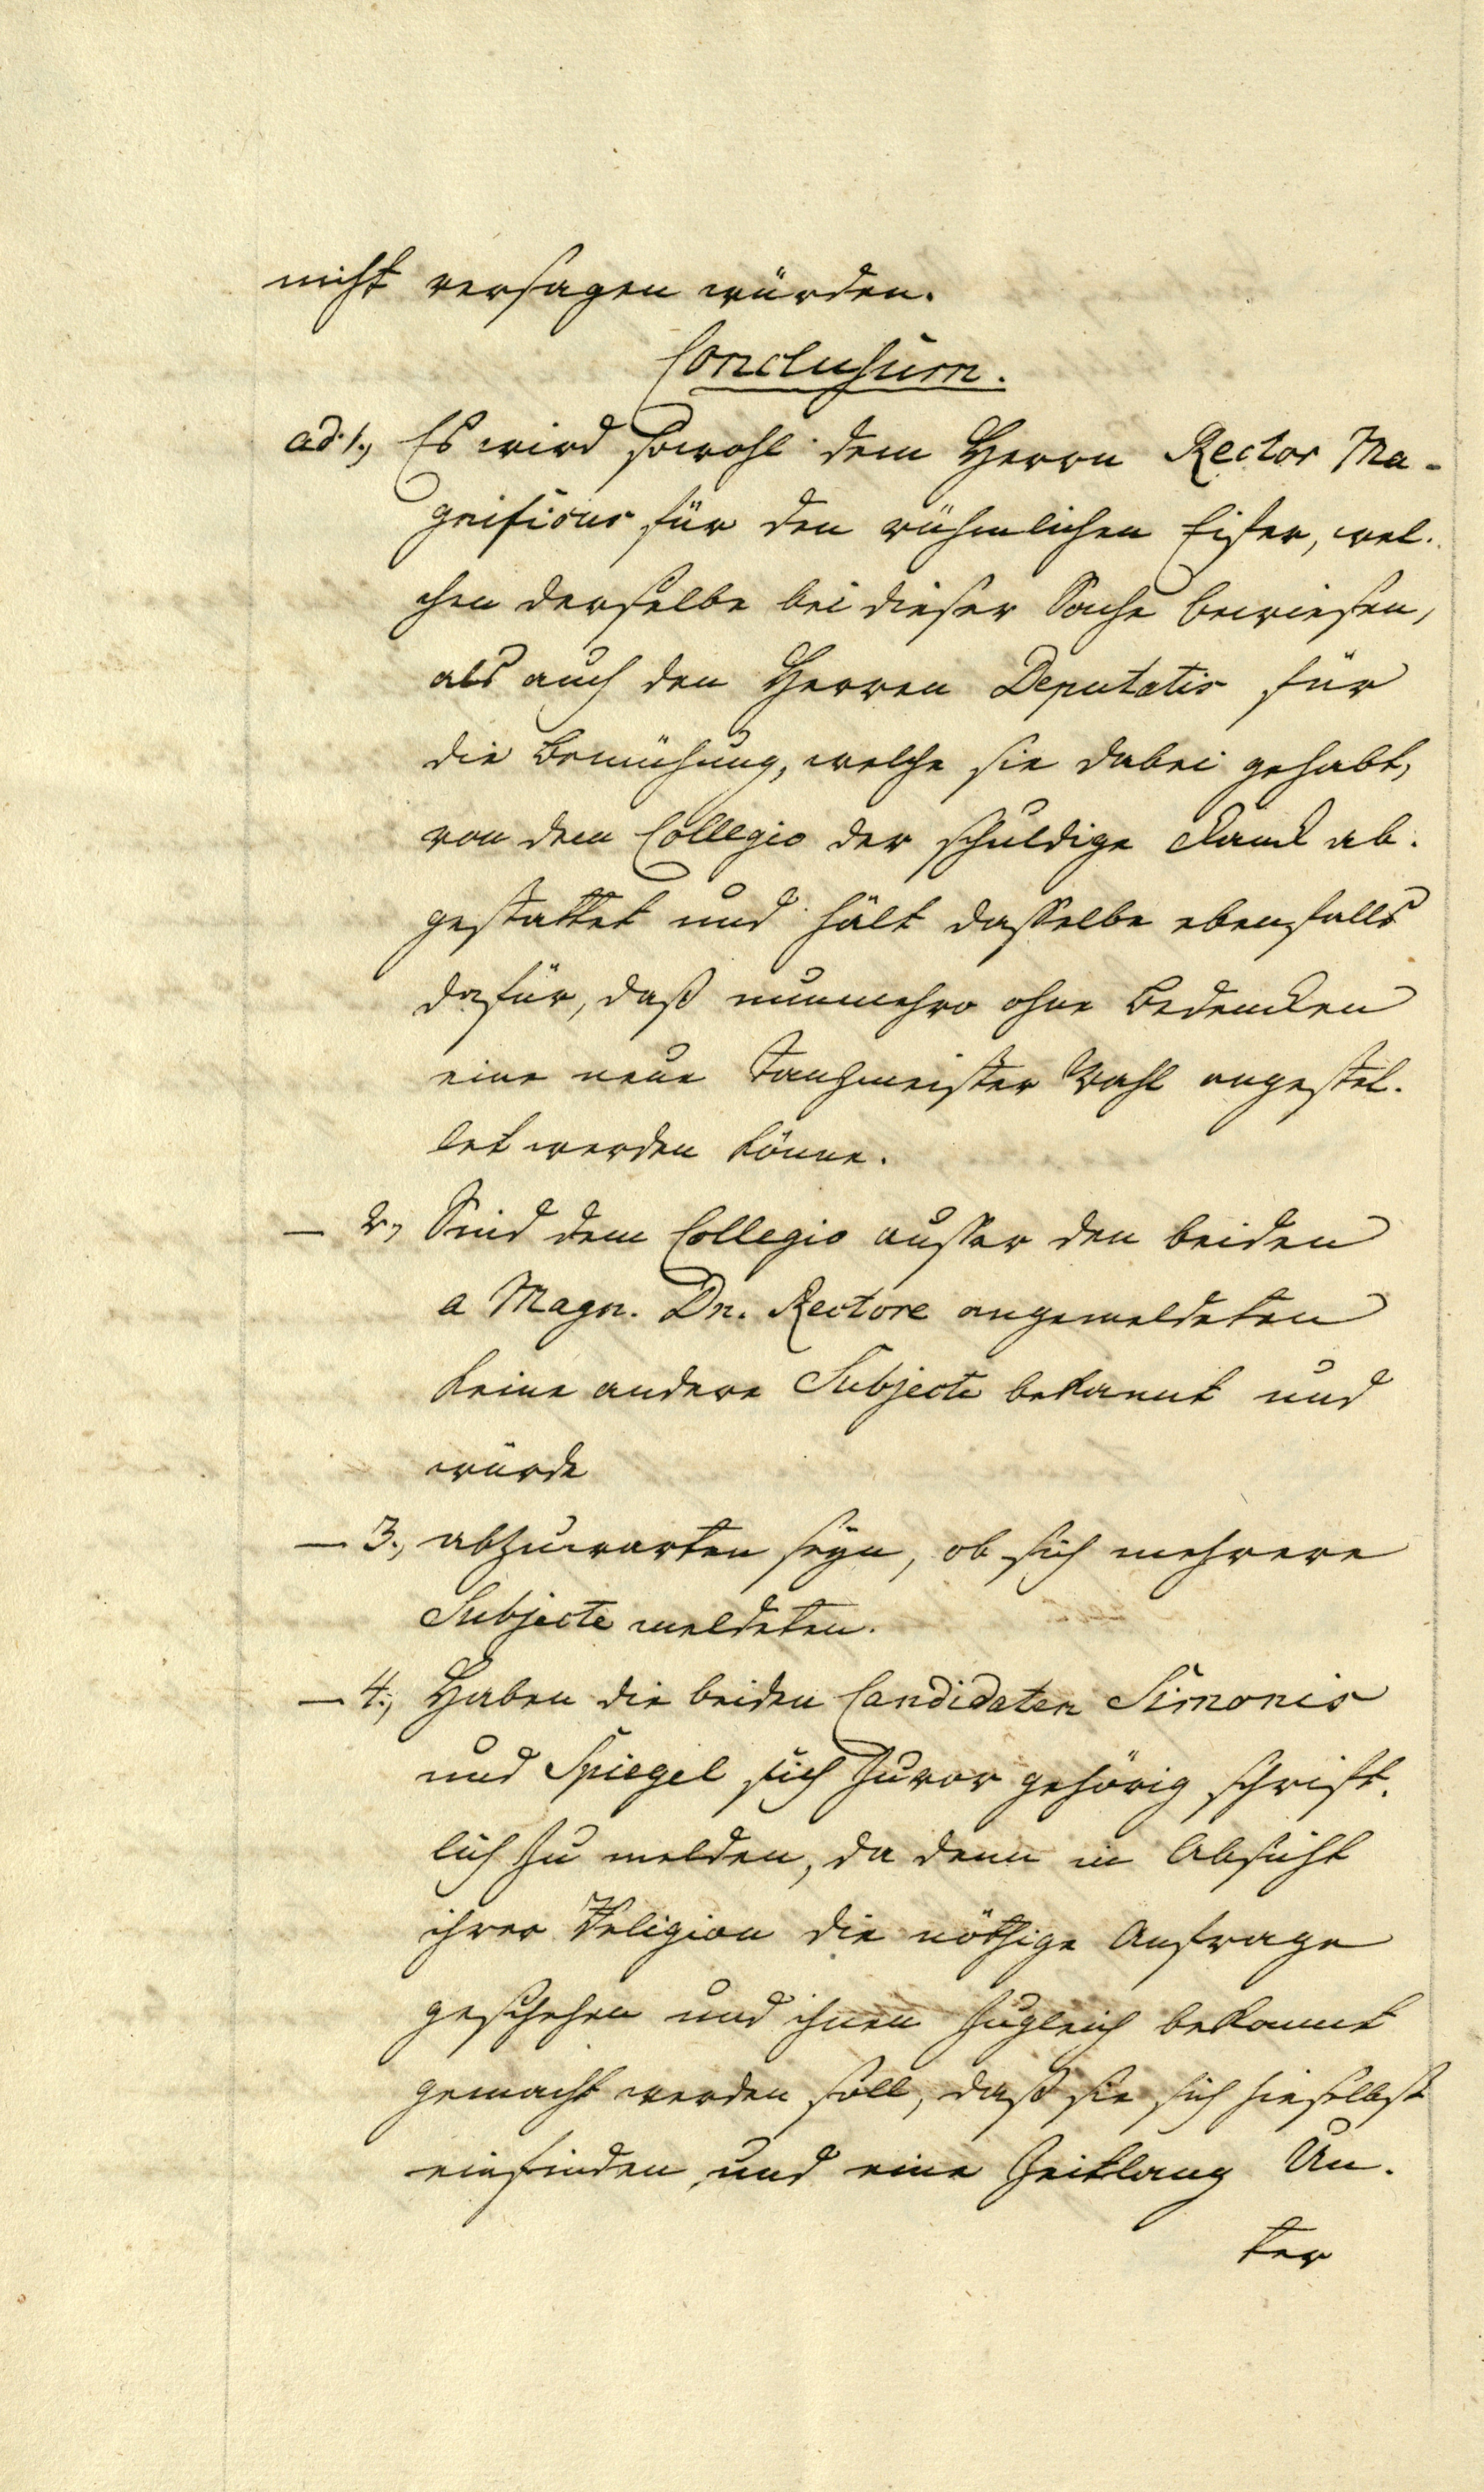nicht versagen würden.
Conclusum.
ad 1., Es wird sowohl dem Herrn Rector Ma¬
gnificus für den rühmlichen Eifer, wel¬
chen derselbe bei dieser Sache bewiesen,
als auch den Herren Deputatis für
die Bemühung, welche sie dabei gehabt,
von dem Collegio der schuldige Danck ab¬
gestattet und hält dasselbe ebenfalls
dafür, daß nunmehro ohne Bedencken
eine neue Tanzmeister Wahl angestel¬
let werden könne.
2., Sind dem Collegio ausser den beiden
a Magn. Dn. Rectore angemeldeten
keine andere Subjecte bekannt und
würde
3., abzuwarten seÿn, ob sich mehrere
Subjecte meldeten.
4., Haben die beiden Candidaten Simonis
und Spiegel sich zuvor gehörig schrift¬
lich zu melden, da denn in Absicht
ihrer Religion die nöthige Anfrage
geschehen und ihnen zugleich bekannt
gemacht werden soll, daß sie sich hieselbst
einfinden und eine Zeitlang Un¬
ter